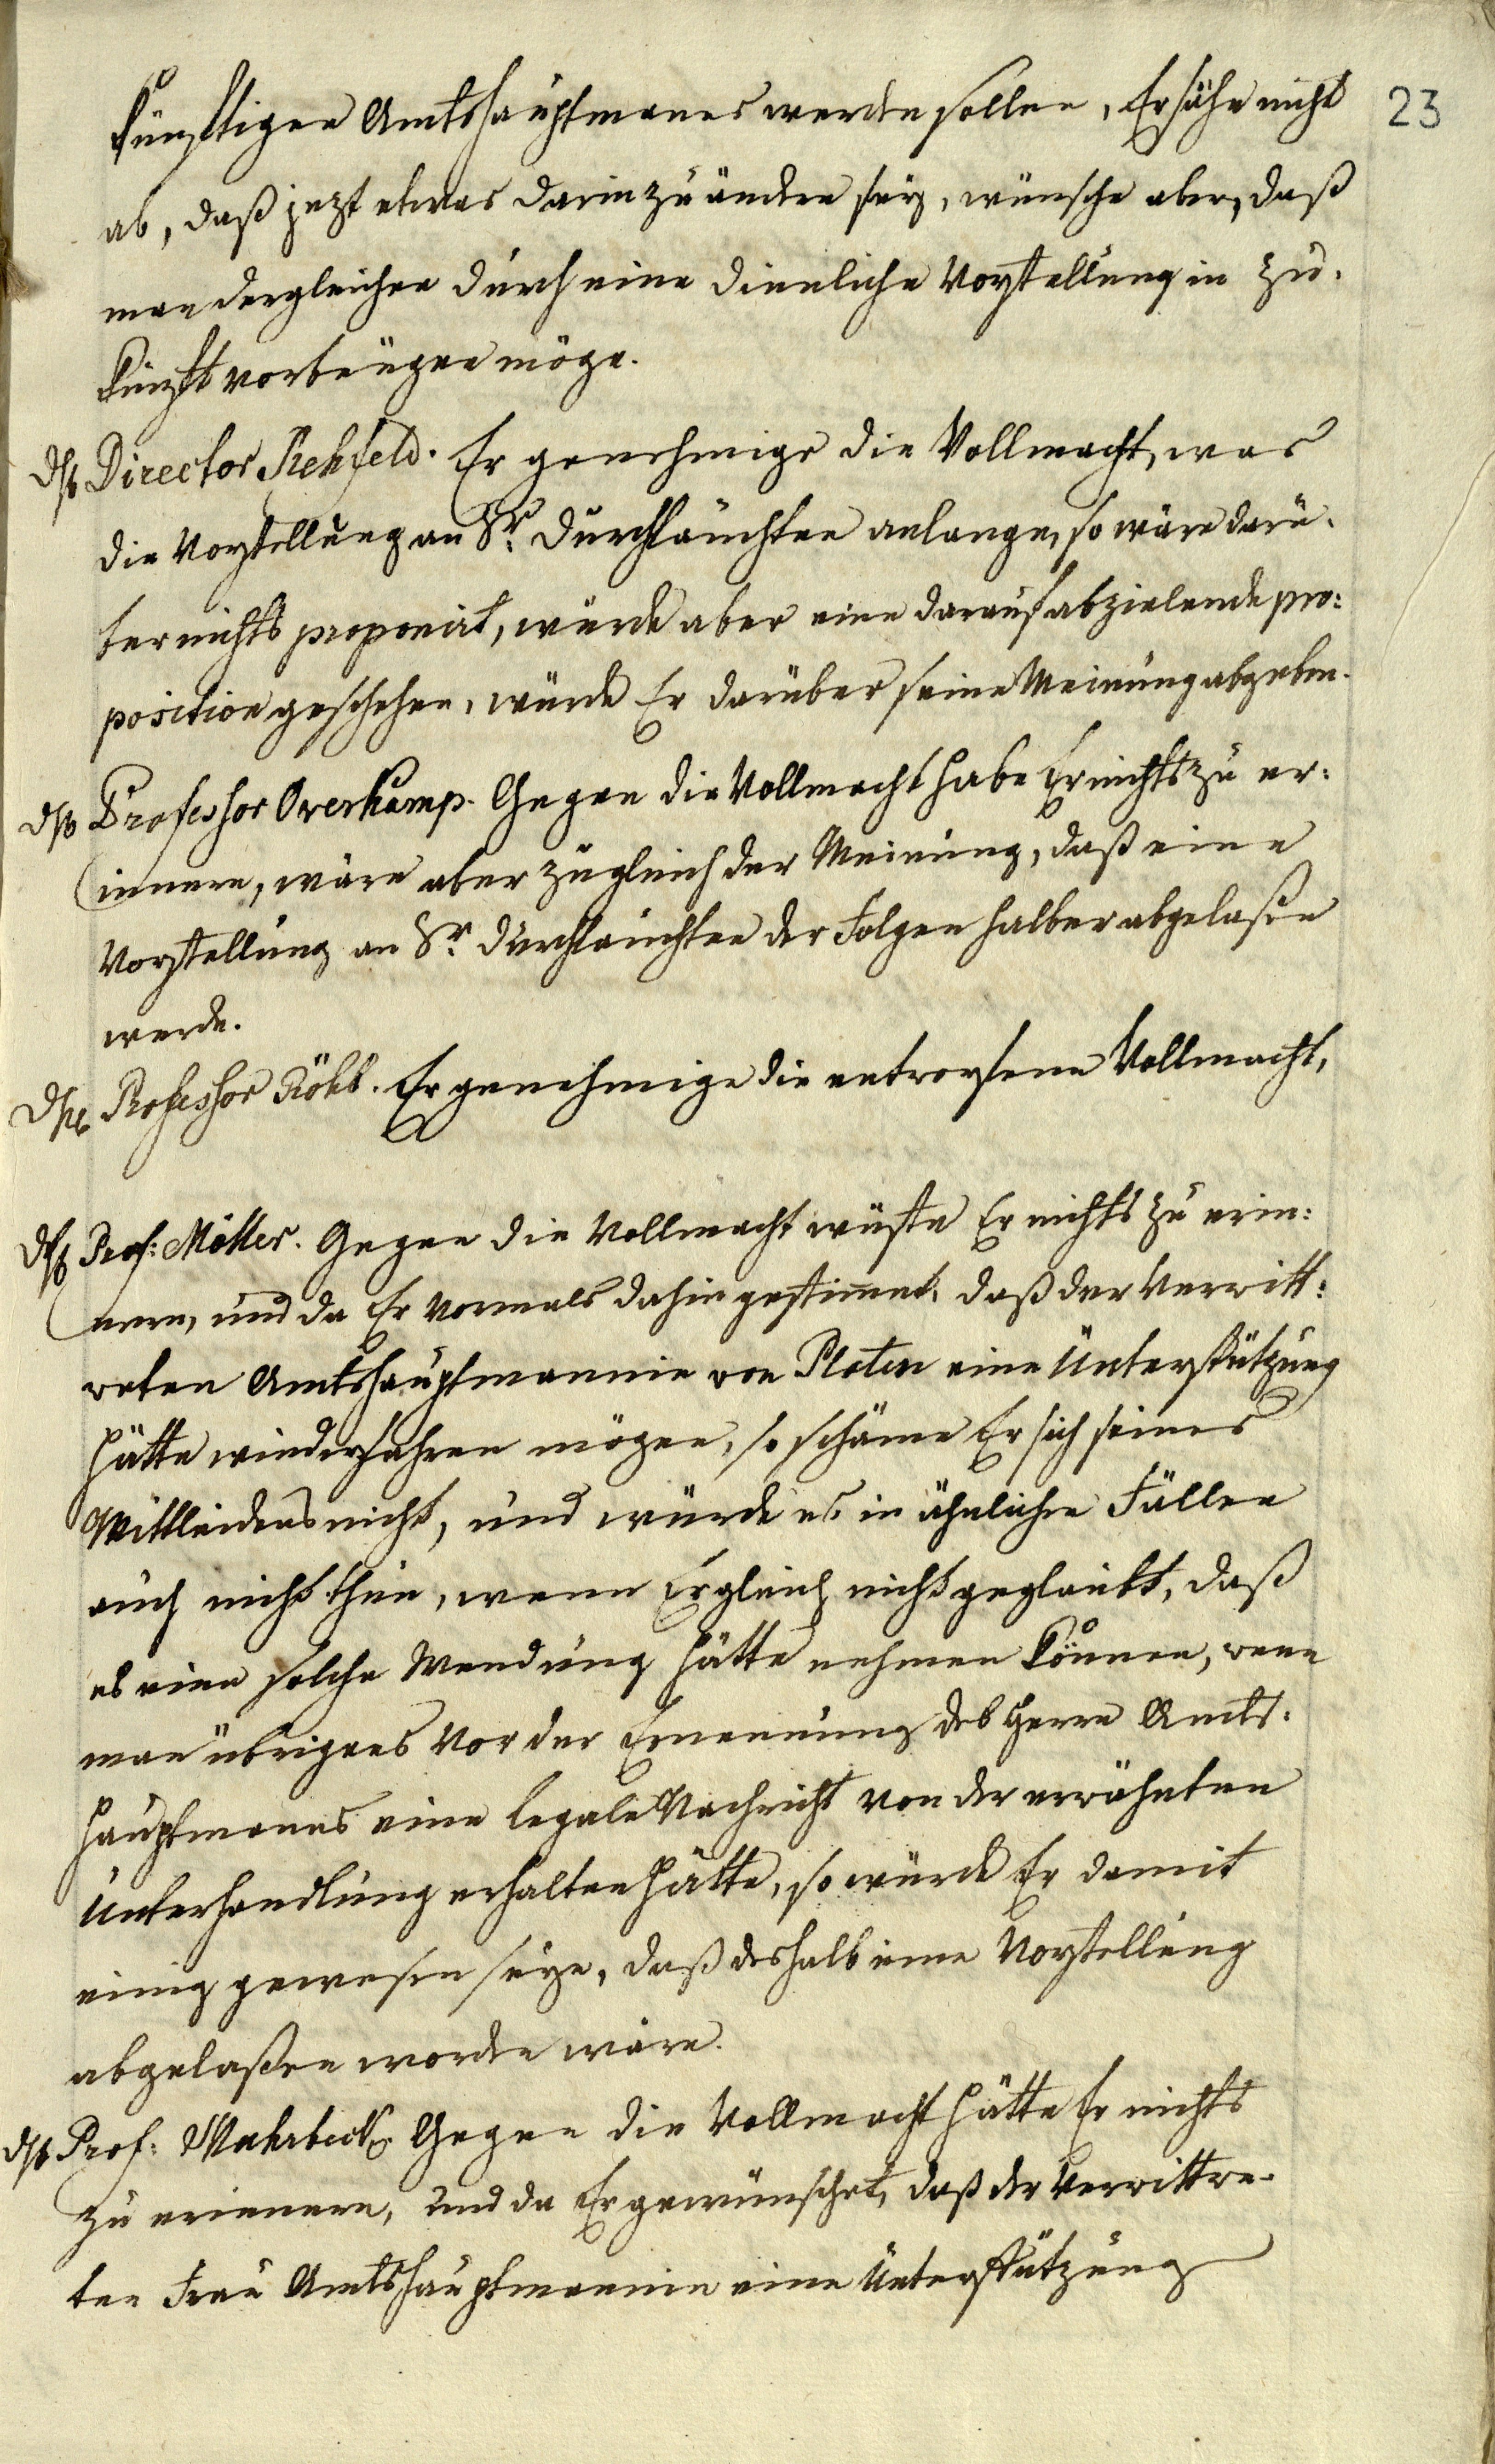künftigen Amtshauptmanns werden sollen, Er sähe nicht
ab, daßjezt etwas darin zu ändern seÿ, wünsche aber, daß
man dergleichen durch eine dienliche Vorstellung in Zu¬
kunft vorbeugen möge.
dh. Director Rehfeld. Er genehmige die Vollmacht, was
die Vorstellung an Sr Durchlauchten anlange, so wäre darü¬
ber nichts proponirt, würde aber eine darauf abzielende pro¬
position geschehen, würde Er darüber seine Meinung abgeben.
dh Professor Overkamp. Gegen die Vollmacht habe Er nichts zu er¬
innern, wäre aber zugleich der Meinung, daß eine
Vorstellung an Sr Durchlauchten der Folgen halber abgelaßen
werde.
dh. Professor Röhl. Er genehmige die entworfene Vollmacht,
dh. Prof Möller. Gegen die Vollmacht wüste Er nichts zu erin¬
nern, und da Er vormals dahin gestimet, daß der Verwitt¬
weten Amtshauptmannin von Platen eine Unterstützung
hätte wiederfahren mögen, so schäme Er sich seines
Mittleidens nicht, und würde es in ähnlichen Fällen
auch nicht thun, wenn Er gleich nicht geglaubt, daß
es eine solche Wendung hätte nehmen können, wenn
man übrigens vor der Ernennung des Herrn Amts¬
hauptmanns eine legale Nachricht von der erwähnten
Unterhandlung erhalten hätte, so würde Er damit
einig gewesen seÿn, daß deshalb eine Vorstellung
abgelassen worden wäre.
dh. Prof. Muhrbeck. Gegen die Vollmacht hätte Er nichts
zu erinnern, und da Er gewünschet, daß der Verwittwe¬
ten Frau Amtshauptmannin eine Unterstützung